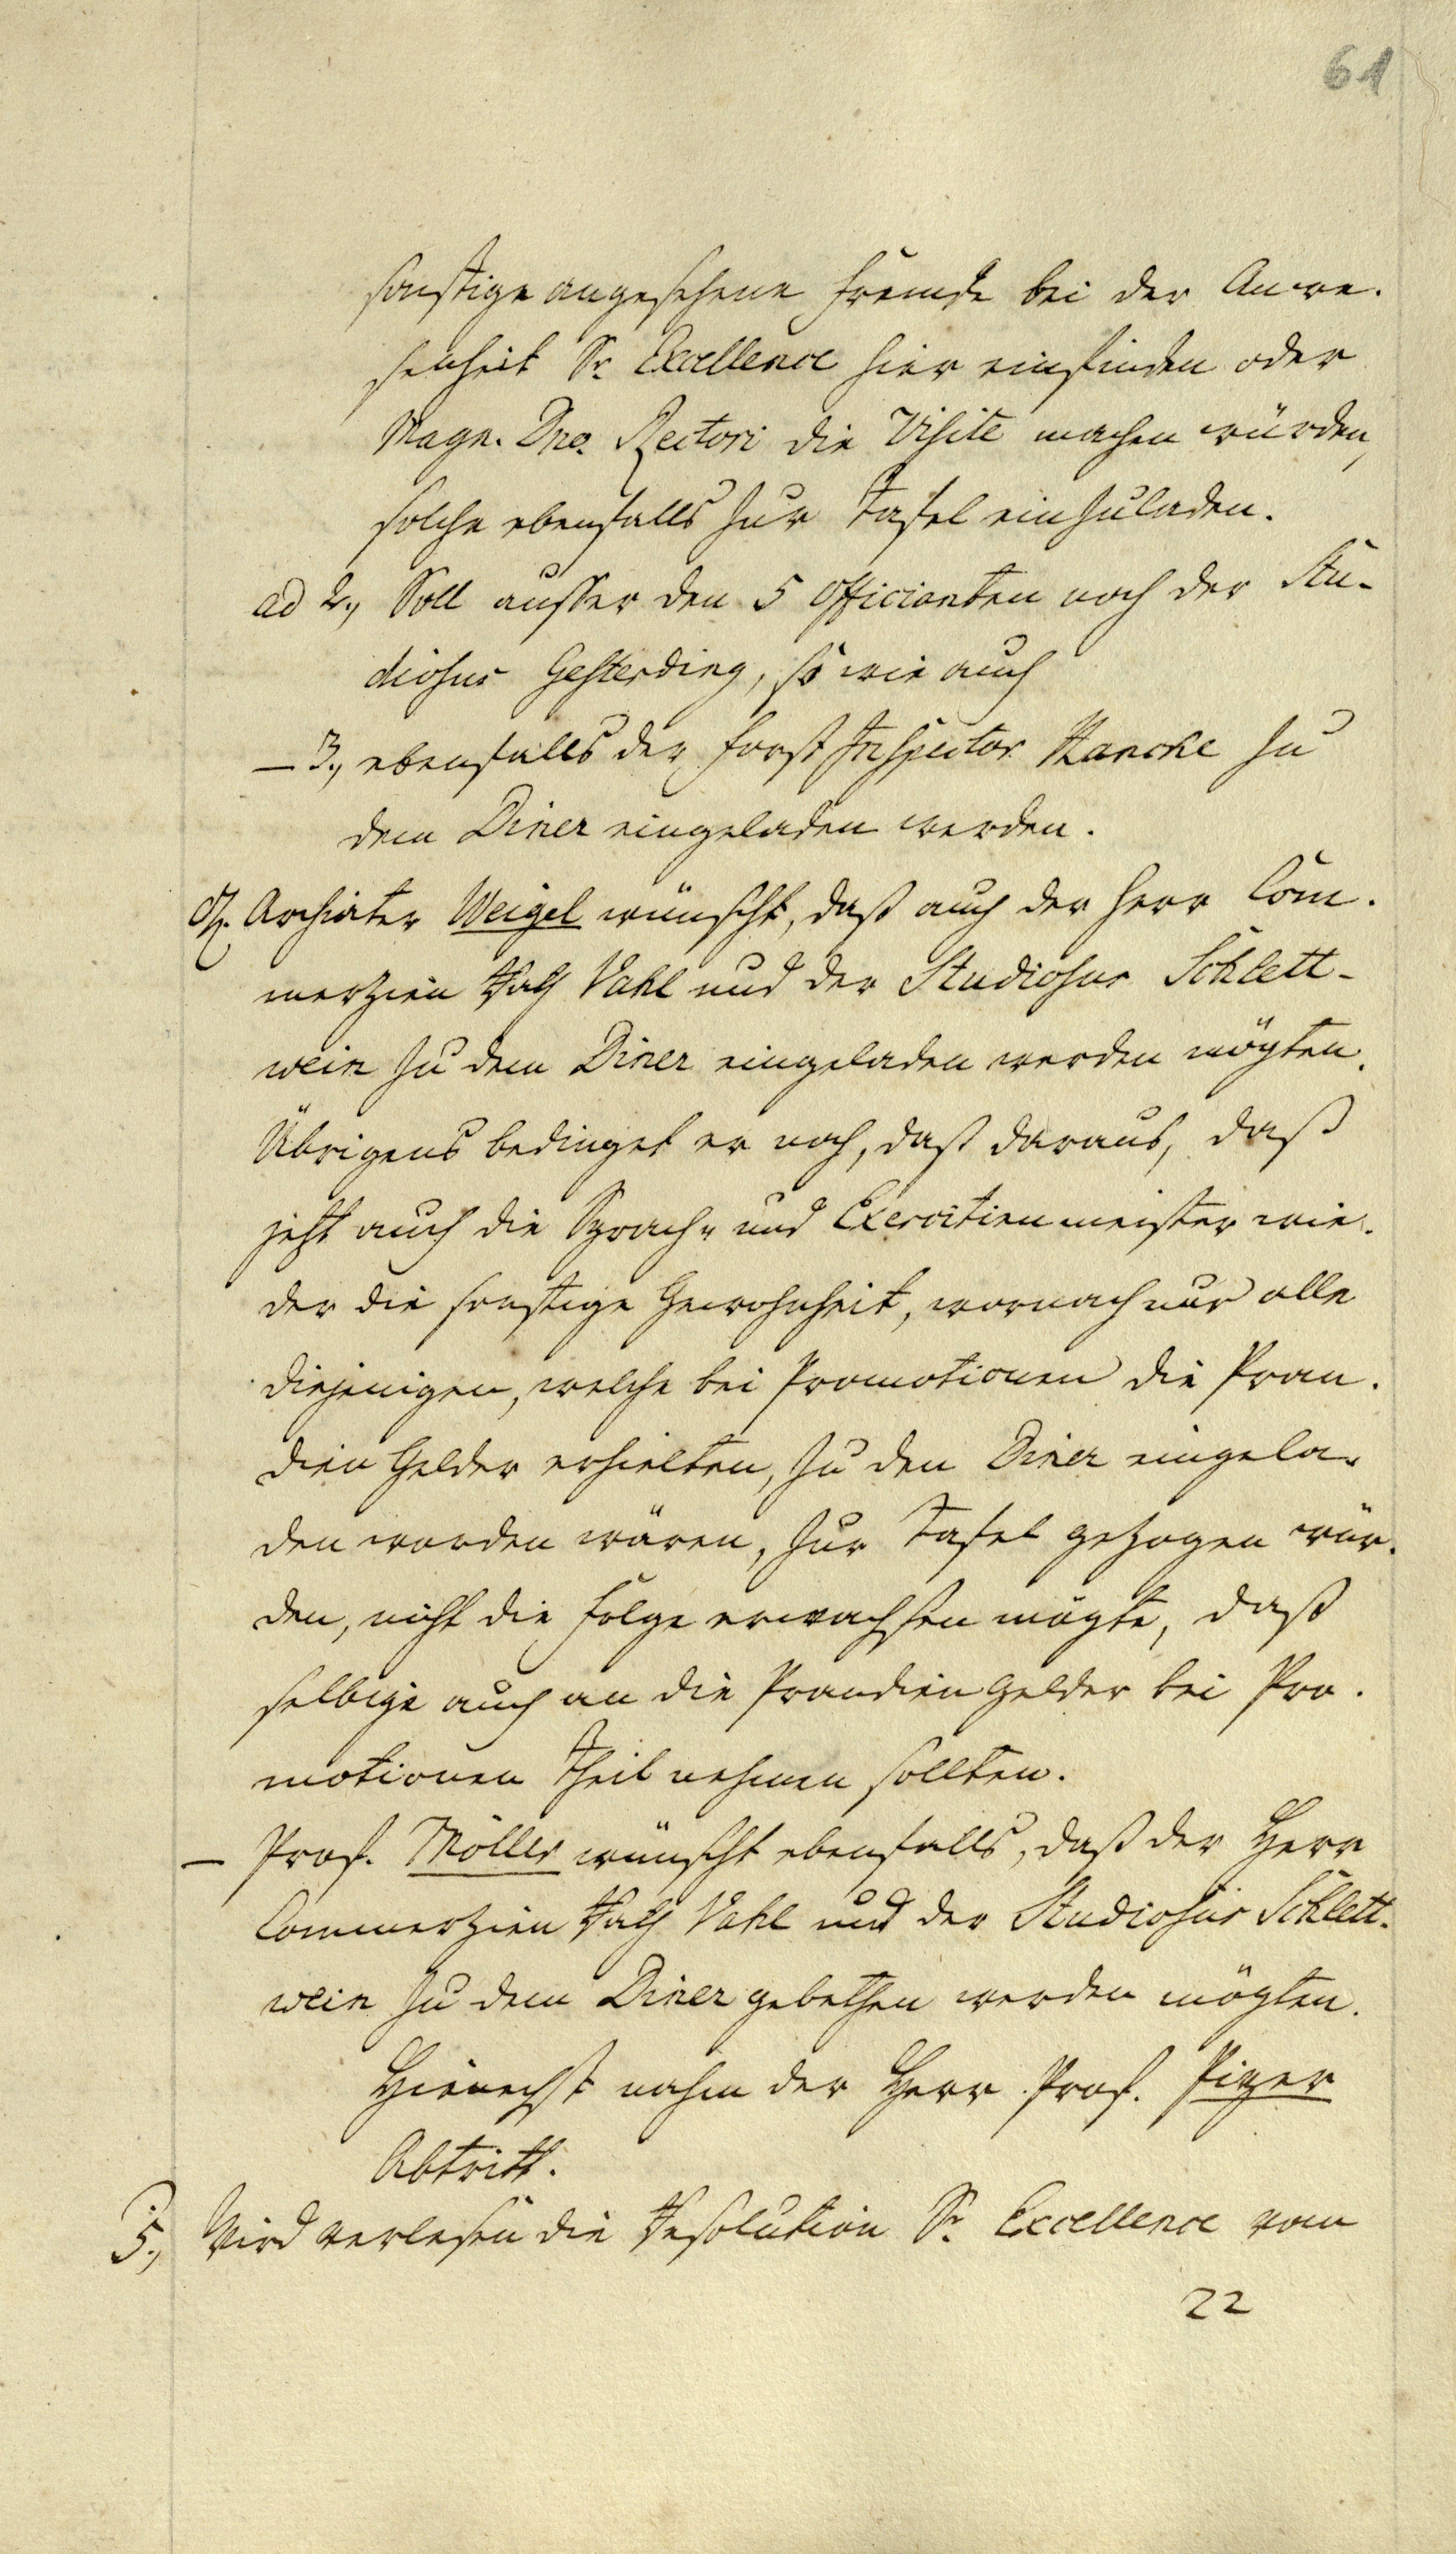sonstige angesehene Fremde bei der Anwe¬
senheit Sr Excellence hier einfinden oder
Magn. Dno. Rectori Visite machen würden,
solche ebenfalls zur Tafel einzuladen.
ad 2., Soll ausser den 5 Officianten noch der Stu¬
diosus Gesterding, so wie auch
3., ebenfalls der Forst Inspector Hancke zu
dem Diner eingeladen werden.
dh. Archiater Weigel wünscht, daß auch der Herr Com¬
merzien Rath Vahl und der Studiosus Schlett¬
wein zu dem Diner eingeladen werden mögten.
Übrigens bedinget er noch, daß daraus, daß
jetzt auch die Sprach- und Exercitienmeister wie¬
der die sonstige Gewohnheit, wornach nur alle
diejenigen, welche bei Promotionen die Pran¬
dien Gelder erhielten, zu den Diner eingela¬
den worden wären, zur Tafel gezogen wür¬
den, nicht die Folge erwachsen mögte, daß
selbige auch an die Prandiengelder bei Pro¬
motionen Theil nehmen sollten.
Prof. Möller wünscht ebenfalls, daß der Herr
Commerzien Rath Wahl und der Studiosus Schlett¬
wein zu dem Diner gebethen werden mögten.
Hienechst nahm der Herr Prof. Piper
Abtritt.
5., Wird verlesen die Resolution Sr Excellence vom
22